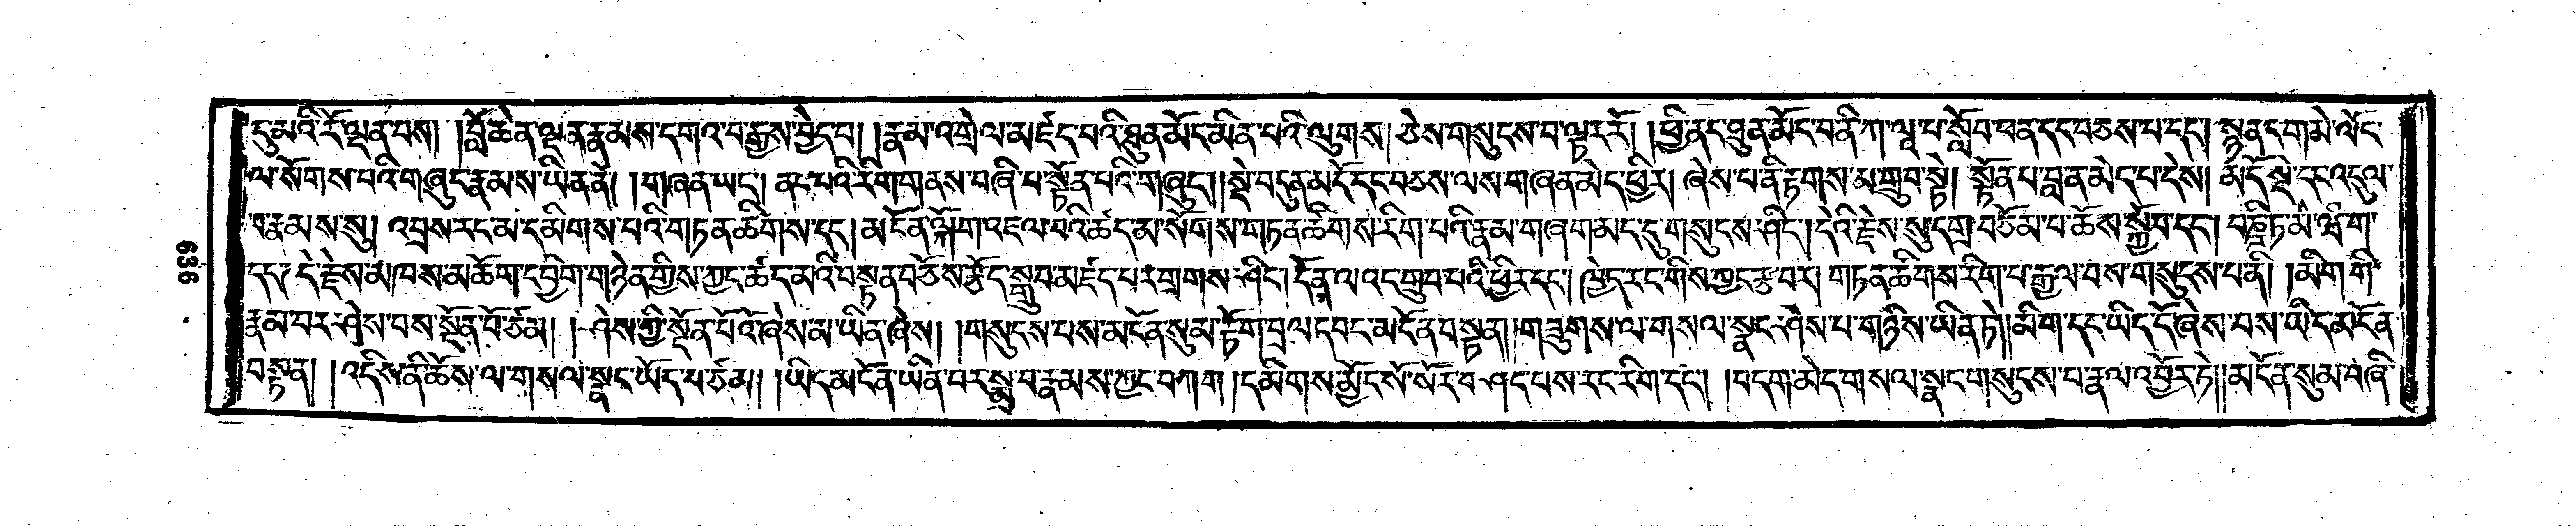དུ་མའི་རོ་ལྡན་པས། །བློ་ཆེན་ལྡན་རྣམས་དགའ་བ་རྒྱས་བྱེད་པ། །རྣམ་འགྲེལ་མཛད་པའི་ཐུན་མོང་མིན་པའི་ལུགས། ཅེས་གསུངས་པ་ལྟར་རོ། །ཕྱི་ནང་ཐུན་མོང་བ་ནི་ཀ་ལཱ་པ་སློབ་ཕན་དང་བཅས་པ་དང་། སྙན་ངག་མེ་ལོང་
ལ་སོགས་པའི་གཞུང་རྣམས་ཡིན་ནོ། །གཞན་ཡང་། ནང་པའི་རིག་གནས་བཞི་པ་སྟོན་པའི་གཞུང་། །སྡེ་བདུན་མདོ་དང་བཅས་ལས་གཞན་མེད་ཕྱིར། ཞེས་པ་ནི་རྟགས་མ་གྲུབ་སྟེ། སྟོན་པ་བླ་ན་མེད་པ་དེས། མདོ་སྡེ་དང་འདུལ་
བ་རྣམས་སུ། འབྲས་རང་མ་དམིགས་པའི་གཏན་ཚིགས་དང་། མངོན་ལྐོག་འཇལ་བའི་ཚད་མ་སོགས་གཏན་ཚིགས་རིག་པའི་རྣམ་གཞག་མང་དུ་གསུངས་ཤིང་། དེའི་རྗེས་སུ་དགྲ་བཅོམ་པ་ཆོས་སྐྱོབ་དང་། པཎྜི་ཏ་མེ་ཝཾ་ག་
དང༑ དེ་རྗེས་མཁས་མཆོག་དབྱིག་གཉེན་གྱིས་ཀྱང་ཚད་མའི་བསྟན་བཅོས་རྩོད་སྒྲུབ་མཛད་པར་གྲགས་ཤིང་། དོན་ལའང་གྲུབ་པའི་ཕྱིར་དང་། ཁྱེད་རང་གིས་ཀྱང་རྩ་བར། གཏན་ཚིགས་རིག་པ་རྒྱལ་བས་གསུངས་པ་ནི། །མིག་གི་
རྣམ་པར་ཤེས་པས་སྔོན་པོ་ཙམ། །ཤེས་ཀྱི་སྔོན་པོའི་ཞེས་མ་ཡིན་ཞེས། །གསུངས་པས་མངོན་སུམ་རྟོག་བྲལ་དབང་མངོན་བསྟན། །གཟུགས་ལ་གསལ་སྣང་ཤེས་པ་གཉིས་ཡིན་ཏེ། །མིག་དང་ཡིད་ངོ་ཞེས་པས་ཡིད་མངོན་
བསྟན། །འདིས་ནི་ཆོས་ལ་གསལ་སྣང་ཡོད་པ་ཙམ། །ཡིད་མངོན་ཡིན་པར་སྨྲ་བ་རྣམས་ཀྱང་བཀག །དམིགས་མྱོང་སོ་སོར་བཤད་པས་རང་རིག་དང་། །བདག་མེད་གསལ་སྣང་གསུངས་པ་རྣལ་འབྱོར་ཏེ། །མངོན་སུམ་བཞི་